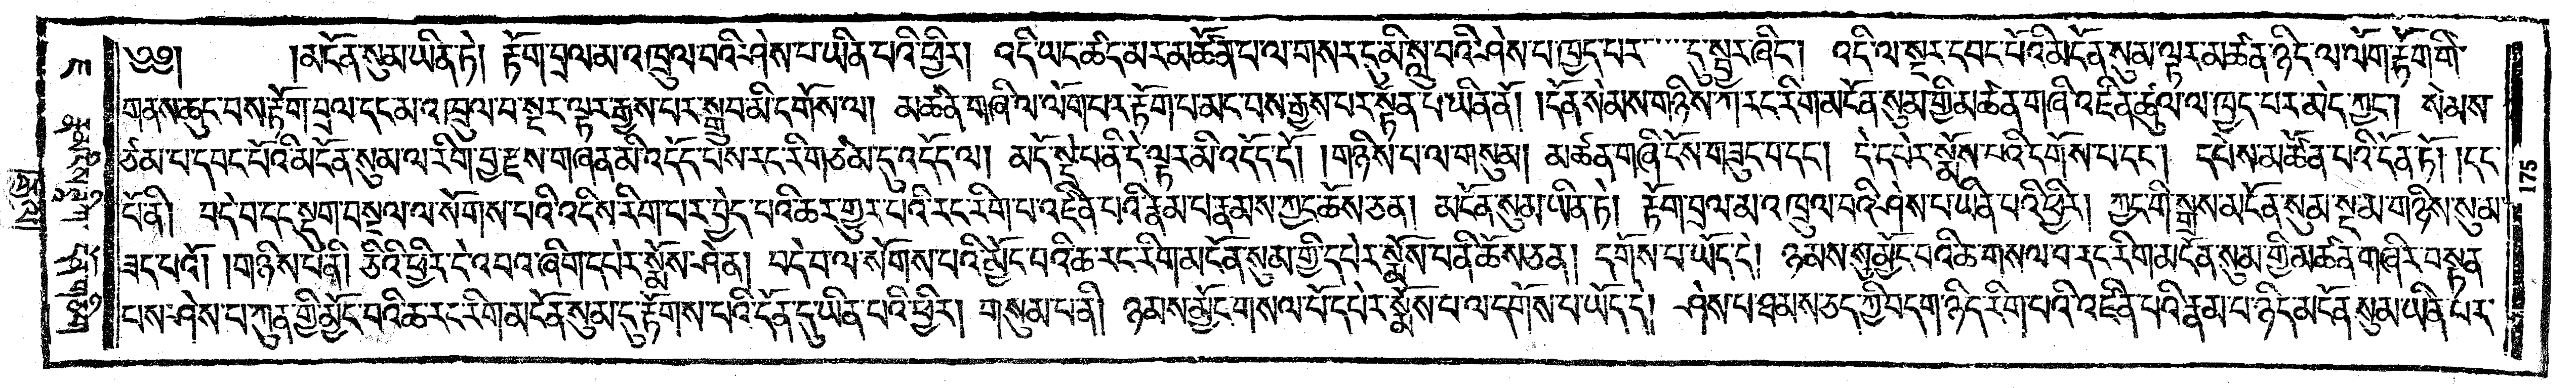༄༅། །མངོན་སུམ་ཡིན་ཏེ། རྟོག་བྲལ་མ་འཁྲུལ་བའི་ཤེས་པ་ཡིན་པའི་ཕྱིར། འདི་ཡང་ཚད་མར་མཚོན་པ་ལ་གསར་དུ་མི་སླུ་བའི་ཤེས་པ་ཁྱད་པར་དུ་སྦྱར་ཞིང་། འདི་ལ་སྔར་དབང་པོའི་མངོན་སུམ་ལྟར་མཚན་ཉིད་ལ་ལོག་རྟོག་གི་
གནས་ཆུང་བས་རྟོག་བྲལ་དང་མ་འཁྲུལ་བ་སྔར་ལྟར་རྒྱས་པར་སྒྲུབ་མི་དགོས་ལ། མཚན་གཞི་ལ་ལོག་པར་རྟོག་པ་མང་བས་རྒྱས་པར་སྟོན་པ་ཡིན་ནོ། །དོན་སེམས་གཉིས་ཀ་རང་རིག་མངོན་སུམ་གྱི་མཚན་གཞི་འཛིན་ཚུལ་ལ་ཁྱད་པར་མེད་ཀྱང་། སེམས་
ཙམ་པ་དབང་པོའི་མངོན་སུམ་ལ་རིག་བྱ་རྫས་གཞན་མི་འདོད་པས་རང་རིག་ཙམ་དུ་འདོད་ལ། མདོ་སྡེ་པ་ནི་དེ་ལྟར་མི་འདོད་དོ། །གཉིས་པ་ལ་གསུམ། མཚན་གཞི་ངོས་གཟུང་བ་དང་། དེ་དཔེར་སྨོས་པའི་དགོས་པ་དང་། དཔེས་མཚོན་པའི་དོན་ཏོ། །དང་
པོ་ནི། བདེ་བ་དང་སྡུག་བསྔལ་ལ་སོགས་པའི་འདིས་རིག་པར་བྱེད་པའི་ཆར་གྱུར་པའི་རང་རིག་པ་འཛིན་པའི་རྣམ་པ་རྣམས་ཀྱང་ཆོས་ཅན། མངོན་སུམ་ཡིན་ཏེ། རྟོག་བྲལ་མ་འཁྲུལ་བའི་ཤེས་པ་ཡིན་པའི་ཕྱིར། ཀྱང་གི་སྒྲས་མངོན་སུམ་སྔ་མ་གཉིས་སུ་མ་
ཟད་པའོ། །གཉིས་པ་ནི། ཅིའི་ཕྱིར་དེ་འབའ་ཞིག་དཔེར་སྨོས་ཤེ་ན། བདེ་བ་ལ་སོགས་པའི་མྱོང་བའི་ཆ་རང་རིག་མངོན་སུམ་གྱི་དཔེར་སྨོས་པ་ནི་ཆོས་ཅན། དགོས་པ་ཡོད་དེ། ཉམས་སུ་མྱོང་བའི་ཆ་གསལ་བ་རང་རིག་མངོན་སུམ་གྱི་མཚན་གཞིར་བསྟན་
པས་ཤེས་པ་ཀུན་གྱི་མྱོང་བའི་ཆ་རང་རིག་མངོན་སུམ་དུ་རྟོགས་པའི་དོན་དུ་ཡིན་པའི་ཕྱིར། གསུམ་པ་ནི། ཉམས་མྱོང་གསལ་པོ་དཔེར་སྨོས་པ་ལ་དགོས་པ་ཡོད་དེ། ཤེས་པ་ཐམས་ཅད་ཀྱི་བདག་ཉིད་རིག་པའི་འཛིན་པའི་རྣམ་པ་ཉིད་མངོན་སུམ་ཡིན་པར་